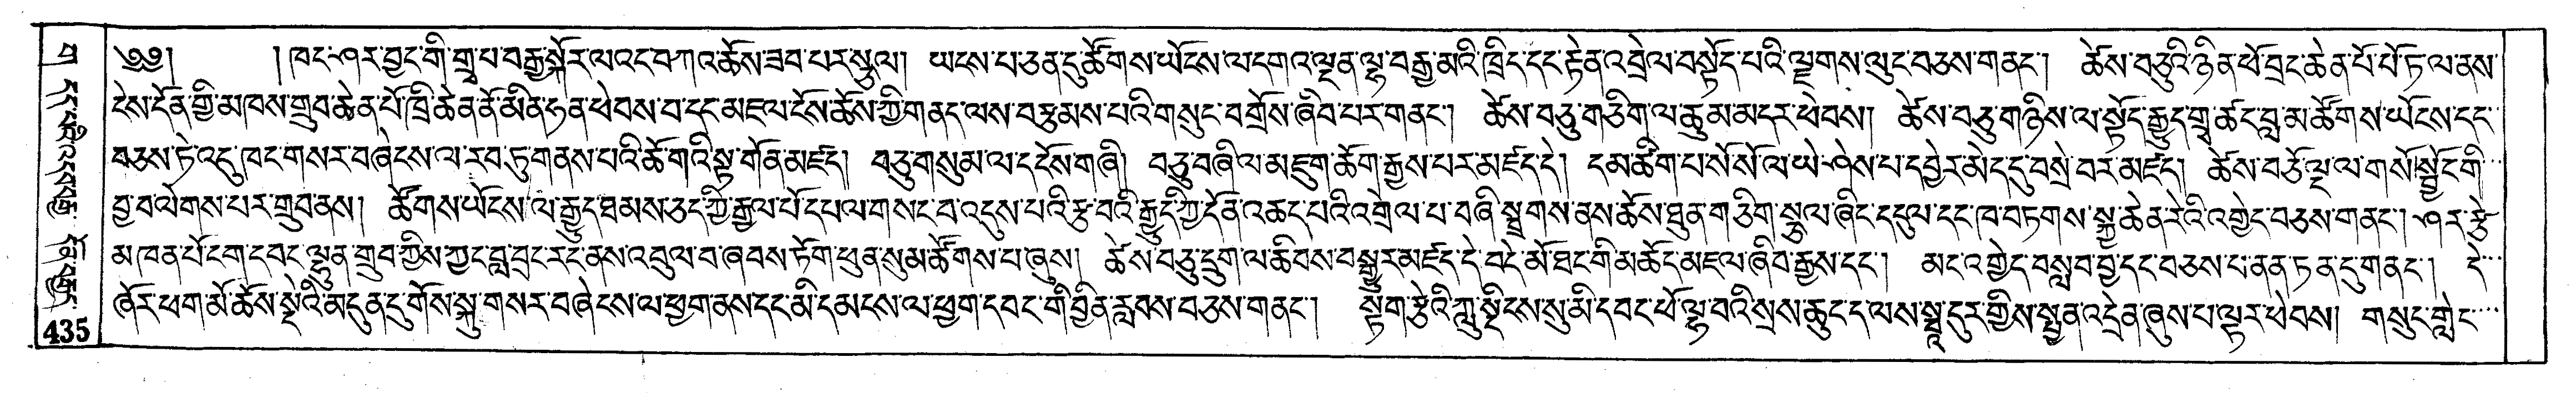༄༅། །ཁང་ཤར་བྱང་གི་གྲྭ་པ་བརྒྱ་སྐོར་ལའད་བཀའ་ཆོས་ཟབ་པར་སྩལ། ཡངས་པ་ཅན་དུ་ཚོགས་ཡོངས་ལ་དགའ་ལྡན་ལྷ་བརྒྱ་མའི་ཁྲིད་དང་རྟེན་འབྲེལ་བསྟོད་པའི་ལྗགས་ལུང་བཅས་གནང་། ཚེས་བཅུའི་ཉིན་ཕོ་བྲང་ཆེན་པོ་པོ་ཏ་ལ་ནས་
ངེས་དོན་གྱི་མཁས་གྲུབ་ཆེན་པོ་ཁྲི་ཆེན་ནོ་མིན་ཧན་ཕེབས་པ་དང་མཇལ་ངོས་ཆོས་ཀྱི་གནད་ལས་བརྩམས་པའི་གསུང་བགྲོས་ཞིབ་པར་གནང་། ཚེས་བཅུ་གཅིག་ལ་ཆུམ་མདར་ཕེབས། ཚེས་བཅུ་གཉིས་ལ་སྟོད་རྒྱུད་གྲྭ་ཚང་བླ་མ་ཚོགས་ཡོངས་དང་
བཅས་ཏེ་འདུ་ཁང་གསར་བཞེངས་ལ་རབ་ཏུ་གནས་པའི་ཆོ་གའི་སྟ་གོན་མཛད། བཅུ་གསུམ་ལ་དངོས་གཞི། བཅུ་བཞི་ལ་མཇུག་ཆོག་རྒྱས་པར་མཛད། དེ། དམ་ཚིག་པ་སོ་སོ་ལ་ཡེ་ཤེས་པ་དབྱེར་མེད་དུ་བསྲེ་བར་མཛད། ཚེས་བཅོ་ལྔ་ལ་གསོ་སྦྱོང་གི་
བྱ་བ་ལེགས་པར་གྲུབ་ནས། ཚོགས་ཡོངས་ལ་རྒྱུད་ཐམས་ཅད་ཀྱི་རྒྱལ་པོ་དཔལ་གསང་བ་འདུས་པའི་རྩ་བའི་རྒྱུད་ཀྱི་དོན་འཆད་པའི་འགྲེལ་པ་བཞི་སྦྲགས་ནས་ཆོས་ཐུན་གཅིག་སྩལ་ཞིང་དངུལ་དང་ཁ་བཏགས་སྐྱ་ཆེན་རེའི་འགྱེད་བཅས་གནང་། ཤར་རྩེ་
མཁན་པོ་ངག་དབང་ལྷུན་གྲུབ་ཀྱིས་ཀྱང་བླ་བྲང་རང་ནས་འབུལ་བ་ཞབས་ཏོག་ཕུན་སུམ་ཚོགས་པ་ཞུས། ཚེས་བཅུ་དྲུག་ལ་ཆིབས་བསྒྱུར་མཛད་དེ་བདེ་མོ་ཐང་གི་མཆོད་མཇལ་ཞིབ་རྒྱས་དང་། མང་འགྱེད་བསླབ་བྱ་དང་བཅས་པ་ནན་ཏན་དུ་གནང་། དེ་
ཞོར་ཕག་མོ་ཆོས་སྡེའི་མདུན་དུ་གོས་སྐུ་གསར་བཞེངས་ལ་ཕྱག་ནས་དང་མི་དམངས་ལ་ཕྱག་དཔང་གི་བྱིན་རླབས་བཅས་གནང་། སྟག་རྩེའི་ཀླུ་སྡིངས་སུ་མི་དབང་ཕོ་ལྷ་བའི་སྲས་ཆུང་ད་ལས་སྦཱ་དུར་གྱིས་སྦྱན་འདྲེན་ཞུས་པ་ལྟར་ཕེབས། གསུང་གླེང་